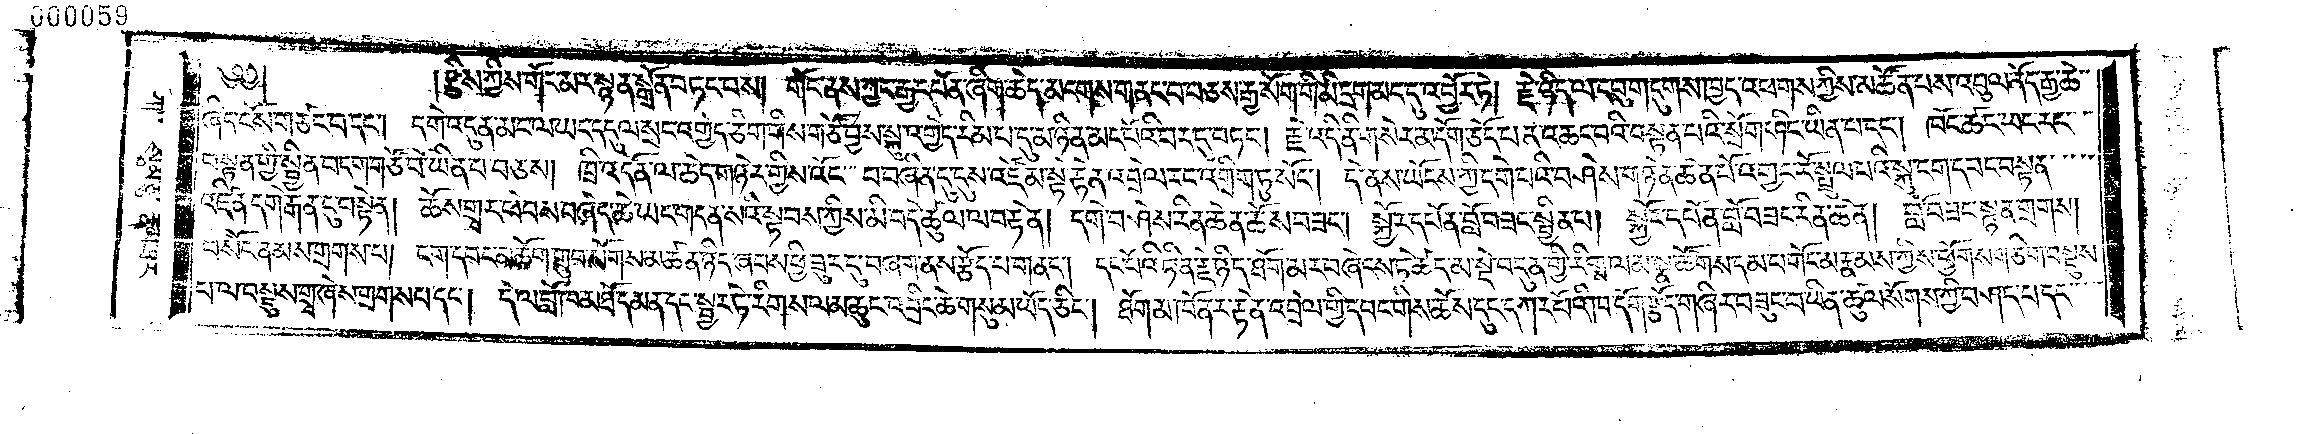༄༅། །རྩིས་ཀྱིས་གོང་མར་སྙན་སྒྲོན་བཏང་བས། གོང་ནས་ཀྱང་རྒྱ་དཔོན་ཞིག་ཆེད་མངགས་གནང་བ་བཅས་རྒྱ་སོག་གི་མི་དྲག་མང་དུ་འབྱོར་ཏེ། རྗེ་ཉིད་ལ་དབུ་གདུགས་ཁྱད་འཕགས་ཀྱིས་མཚོན་པས་འབུལ་ནོད་རྒྱ་ཆེ་
ཞིང་ངོས་གཙང་བ་དང་། དགེ་འདུན་མང་ལ་ཡང་དངུལ་སྲང་འགྱེད་ཅིག་གིས་གཙོ་བྱས་སྐུ་འགྱེད་རིམ་པ་དུ་མ་ཉིན་མང་པོའི་བར་དུ་བཏང་། རྗེ་འདི་ནི་གསེར་མདོག་ཅོད་བན་འཆང་བའི་བསྟན་པའི་སྲོག་ཤིང་ཡིན་པ་དང་། ཁོང་ཚང་ཡང་རང་
བསྟན་གྱི་སྦྱིན་བདག་གཙོ་བོ་ཡིན་པ་བཅས། ཁྲི་འདོན་ལ་ཆེད་གཉེར་གྱིས་འོང་བ་བཞིན་དུ་དུས་འཛོམ་སྟེ་རྟེན་འབྲེལ་རང་འགྲིག་ཏུ་སོང་། དེ་ནས་ཡོངས་ཀྱི་དགེ་བའི་བཤེས་གཉེན་ཆེན་པོ་འགྱང་རོ་སྤྲུལ་པའི་སྐུ་ངག་དབང་བསྟན་
འཛིན་དགེ་རྒན་དུ་བསྟེན། ཆོས་གྲྭར་ཕེབས་བཞེད་ཆེ་ཡང་གདན་སའི་སྟབས་ཀྱིས་མི་བདེ་ཚུལ་ལ་བརྟེན། དགེ་བཤེས་རིན་ཆེན་ཆོས་བཟང་། སྐྱོར་དཔོན་བློ་བཟང་སྦྱིན་པ། སྐྱོར་དཔོན་བློ་བཟང་རིན་ཆེན། བློ་བཟང་སྙན་གྲགས།
བསོད་ནམས་གྲགས་པ། ངག་དབང་མཆོག་གྲུབ་སོགས་མཚན་ཉིད་ཞབས་ཕྱི་ཟུར་དུ་བཞག་ནས་རྩོད་པ་གནང་། དང་པོའི་ཉིན་རྗེ་ཉིད་ཐོག་མར་བཞེངས་ཏེ་ཚད་མ་སྡེ་བདུན་གྱི་རིགས་ལམ་སྣ་ཚོགས་དམ་པ་གོང་མ་རྣམས་ཀྱིས་ཕྱོགས་གཅིག་བསྡུས་
པ་ལ་བསྡུས་གྲྭ་ཞེས་གྲགས་པ་དང་། དེ་ལ་བློ་ཁ་མཐོ་དམན་དང་སྦྱར་ཏེ་རིགས་ལམ་ཆུང་འབྲིང་ཆེ་གསུམ་ཡོད་ཅིང་། ཐོག་མ་ཁོ་ནར་རྟེན་འབྲེལ་གྱི་དབང་གིས་ཆོས་དུང་དཀར་པོའི་ཁ་དོག་རྩོད་གཞིར་བཟུང་བ་ཡིན་ཚུལ་སོགས་ཀྱི་བཤད་པ་དང་